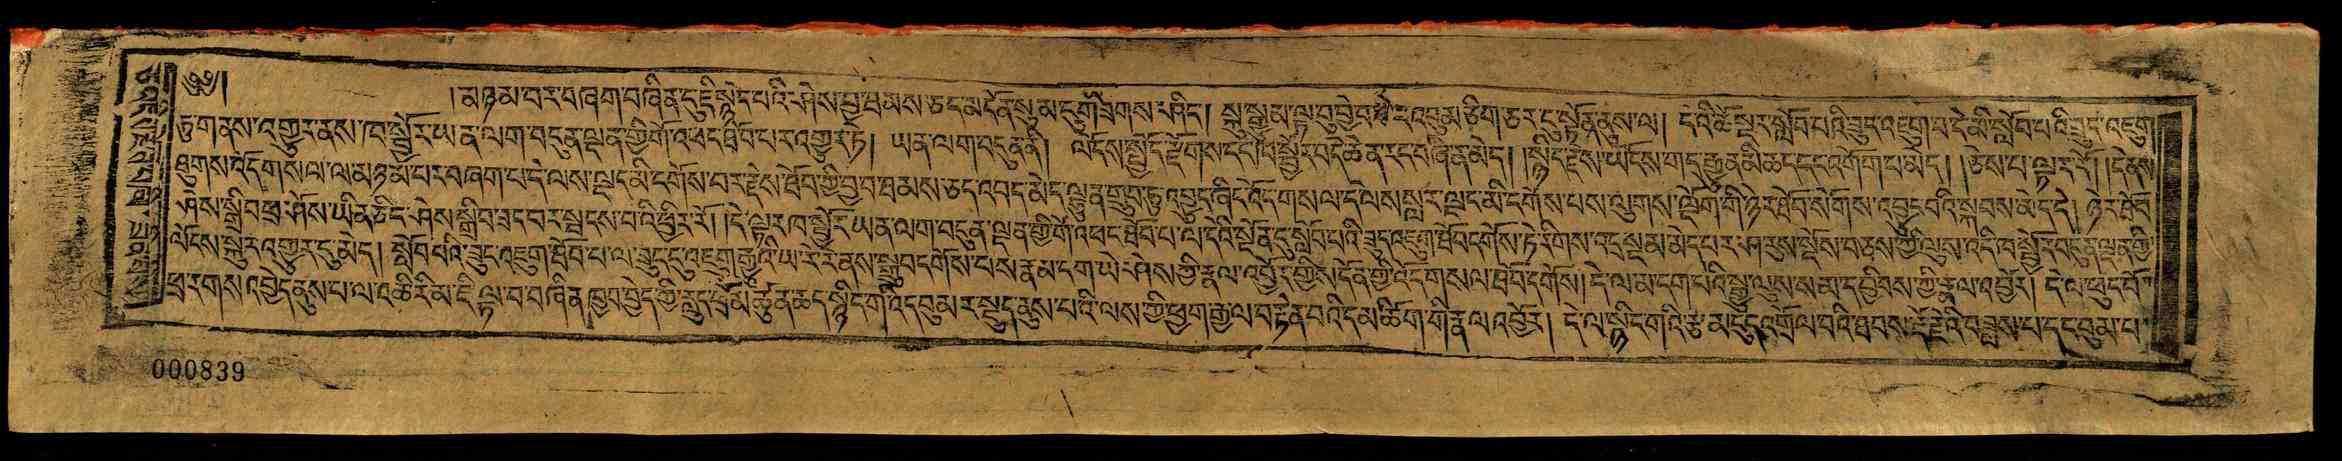༄༅། །མཉམ་པར་བཞག་བཞིན་དུ་ཇི་སྙེད་པའི་ཤེས་བྱ་ཐམས་ཅད་མངོན་སུམ་དུ་གཟིགས་ཤིང་། སྐུ་སྒྱུ་མ་ལྟ་བུ་བྱེ་བ་ཐེར་འབུམ་ཅིག་ཅར་དུ་སྟོན་ནུས་ལ། དེའི་ཚེ་སྔར་སློབ་པའི་ཟུང་འཇུག་པ་དེ་མི་སློབ་པའི་ཟུང་འཇུག་
ཏུ་གནས་འགྱུར་ནས་ཁ་སྦྱོར་ཡན་ལག་བདུན་ལྡན་གྱི་གོ་འཕང་ཐོབ་པར་འགྱུར་ཏེ། ཡན་ལག་བདུན་ནི། ལོངས་སྤྱོད་རྫོགས་དང་ཁ་སྦྱོར་བདེ་ཆེན་རང་བཞིན་མེད། །སྙིང་རྗེས་ཡོངས་གང་རྒྱུན་མི་ཆད་དང་འགོག་པ་མེད། །ཅེས་པ་ལྟར་རོ། །དེ་ནས་
ཐུགས་འོད་གསལ་ལ་མཉམ་པར་བཞག་པ་དེ་ལས་ལྡང་མི་དགོས་པར་རྗེས་ཐོབ་ཀྱི་བྱ་བ་ཐམས་ཅད་འབད་མེད་ལྷུན་གྲུབ་ཏུ་འབྱུང་ཞིང་འོད་གསལ་དེ་ལས་སླར་ལྡང་མི་དགོས་པས་ལུགས་ལྡོག་གི་ཉེར་ཐོབ་སོགས་འབྱུང་བའི་སྐབས་མེད་དེ། ཉེར་ཐོབ་
ཤེས་སྒྲིབ་ཕྲ་ཤོས་ཡིན་ཅིང་ཤེས་སྒྲིབ་ཟད་པར་སྤངས་པའི་ཕྱིར་རོ། །དེ་ལྟར་ཁ་སྦྱོར་ཡན་ལག་བདུན་ལྡན་གྱི་གོ་འཕང་ཐོབ་པ་ལ་དེའི་སྔོན་དུ་སློབ་པའི་ཟུང་འཇུག་ཐོབ་དགོས་ཏེ་རིགས་འདྲ་སྔ་མ་མེད་པར་ཤ་རུས་སྔོས་བཅས་ཀྱི་ལུས་འདི་ཁ་སྦྱོར་བདུན་ལྡན་གྱི་
ལོངས་སྐུར་འགྱུར་དུ་མེད། སློབ་པའི་ཟུང་འཇུག་ཐོབ་པ་ལ་ཟུང་དུ་འཇུག་རྒྱུའི་ཡ་རེ་རེ་ནས་སྒྲུབ་དགོས་པས་རྣམ་དག་ཡེ་ཤེས་ཀྱི་རྣལ་འབྱོར་གྱིས་དོན་གྱི་འོད་གསལ་ཐོབ་དགོས། དེ་ལ་མ་དག་པའི་སྒྱུ་ལུས་སམ་དབྱིབས་ཀྱི་རྣལ་འབྱོར། དེ་ལ་ཕུང་པོ་
ཕྲ་རགས་འབྱེད་ནུས་པ་ལ་འཆི་རིམ་ཇི་ལྟ་བ་བཞིན་ཁྱབ་བྱེད་ཀྱི་རླུང་ཕྲ་མོ་ཚུན་ཆད་སྙིང་གའི་དབུ་མར་སྡུད་ནུས་པའི་ལས་ཀྱི་ཕྱག་རྒྱལ་བརྟེན་པའི་དམ་ཚིག་གི་རྣལ་འབྱོར། དེ་ལ་སྙིང་གའི་རྩ་མདུད་འགྲོལ་བའི་ཐབས་རྡོ་རྗེའི་བཟླས་པ་དང་བུམ་པ་